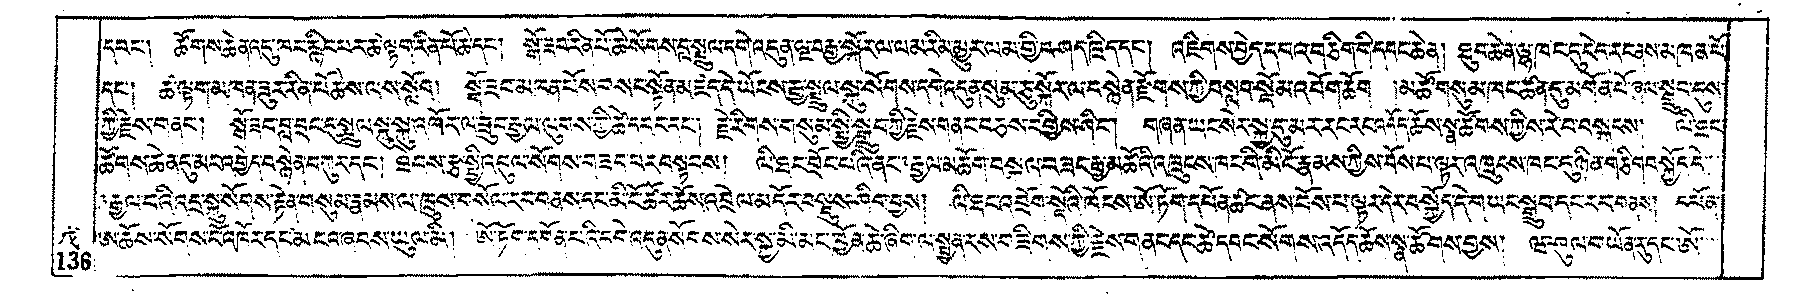དབང་། ཚོགས་ཆེན་འདུ་ཁང་རྙིང་པར་ཚ་ལྟག་རིན་པོ་ཆེ་དང་། སྒོ་ཟབ་རིན་པོ་ཆེ་སོགས་བླ་སྤྲུལ་དགེ་འདུན་ལྔ་བརྒྱ་སྐོར་ལ་ལམ་རིམ་མྱུར་ལམ་གྱི་བཤད་ཁྲིད་དང་། འཇིགས་བྱེད་དཔའ་གཅིག་གི་དབང་ཆེན། ཐུབ་ཆེན་ལྷ་ཁང་དུ་ངེད་རང་ནས་མཁན་པོ་
དང་། ཚ་ལྟག་མཁན་ཟུར་རིན་པོ་ཆེས་ལས་སློབ། སྒོ་ཟབ་མཁན་པོས་གསང་སྟོན་མཛད་དེ་ཡོངས་རྒྱ་སྤྲུལ་སྐུ་སོགས་དགེ་འདུན་སུམ་ཅུ་སྐོར་ལ་བསྙེན་རྫོགས་ཀྱི་བསླབ་སྡོམ་འབོག་ཆོག །མཚོ་གསུམ་ཁང་ཚན་དུ་མགོན་པོ་ཞལ་སྒྲུབ་དུས་
ཀྱི་རྗེས་གནང་། སྒོ་ཟབ་བླ་བྲང་དུ་སྤྲུལ་སྐུ་སྐུ་འཁོར་ལ་བྲུབ་རྒྱལ་ལུགས་ཀྱི་ཚེ་དབང་དང་། རྗེ་རིགས་གསུམ་སྤྱི་སྒྲུབ་ཀྱི་རྗེས་གནང་བཅས་བགྱིས་ཤིང་། གཞན་ཡང་སེར་སྐྱ་དུ་མར་རང་རང་འདོད་ཆོས་སྣ་ཚོགས་ཀྱིས་རེ་བ་བསྐངས། ལི་ཐང་
ཚོགས་ཆེན་དུ་མང་འགྱེད་བསྙེན་བཀུར་དང་། ཐེབས་རྩ་སྤྱི་འབུལ་སོགས་གཟབ་པར་བསྟབས། ལི་ཐང་གྲོང་པའི་ནང་༧་རྒྱལ་མཆོག་བསྐལ་བཟང་རྒྱ་མཚོའི་འཁྲུངས་ཁང་གི་མི་ངོ་རྣམས་ཀྱིས་བོས་པ་ལྟར་འཁྲུངས་ཁང་དུ་ཉིན་གཅིག་བསྐྱོད་དེ་
༧་རྒྱལ་བའི་འདྲ་སྐུ་སོགས་རྟེན་གསུམ་རྣམས་ལ་ཁྲུས་གསོལ་རབ་གནས་དང་མི་ངོ་ཚོར་ཆོས་འབྲེལ་མདོར་བསྡུས་ཤིག་བྱས། ལི་ཐང་འབྲོག་སྡེའི་ཁོངས་ཨོ་ཏོག་དཔོན་ཚང་ནས་བོས་པ་ལྟར་དེར་བསྐྱོད་དེ་གཡང་སྒྲུབ་དང་རབ་གནས། དཔོན་
ཨ་ཆོས་སོགས་ངོ་འཁོར་དང་མངའ་ཞབས་ཡུལ་མི། ཨོ་ཏོག་དགོན་པའི་དགེ་འདུན་སོགས་སེར་སྐྱ་མི་མང་ཁྱོན་ཆེ་ཞིག་ལ་སྤྱན་རས་གཟིགས་ཀྱི་རྗེས་གནང་དང་ཚེ་དབང་སོགས་འདོད་ཆོས་སྣ་ཚོགས་བྱས། ཝ་ཤུལ་གཡོན་རུ་དང་ཨོ་